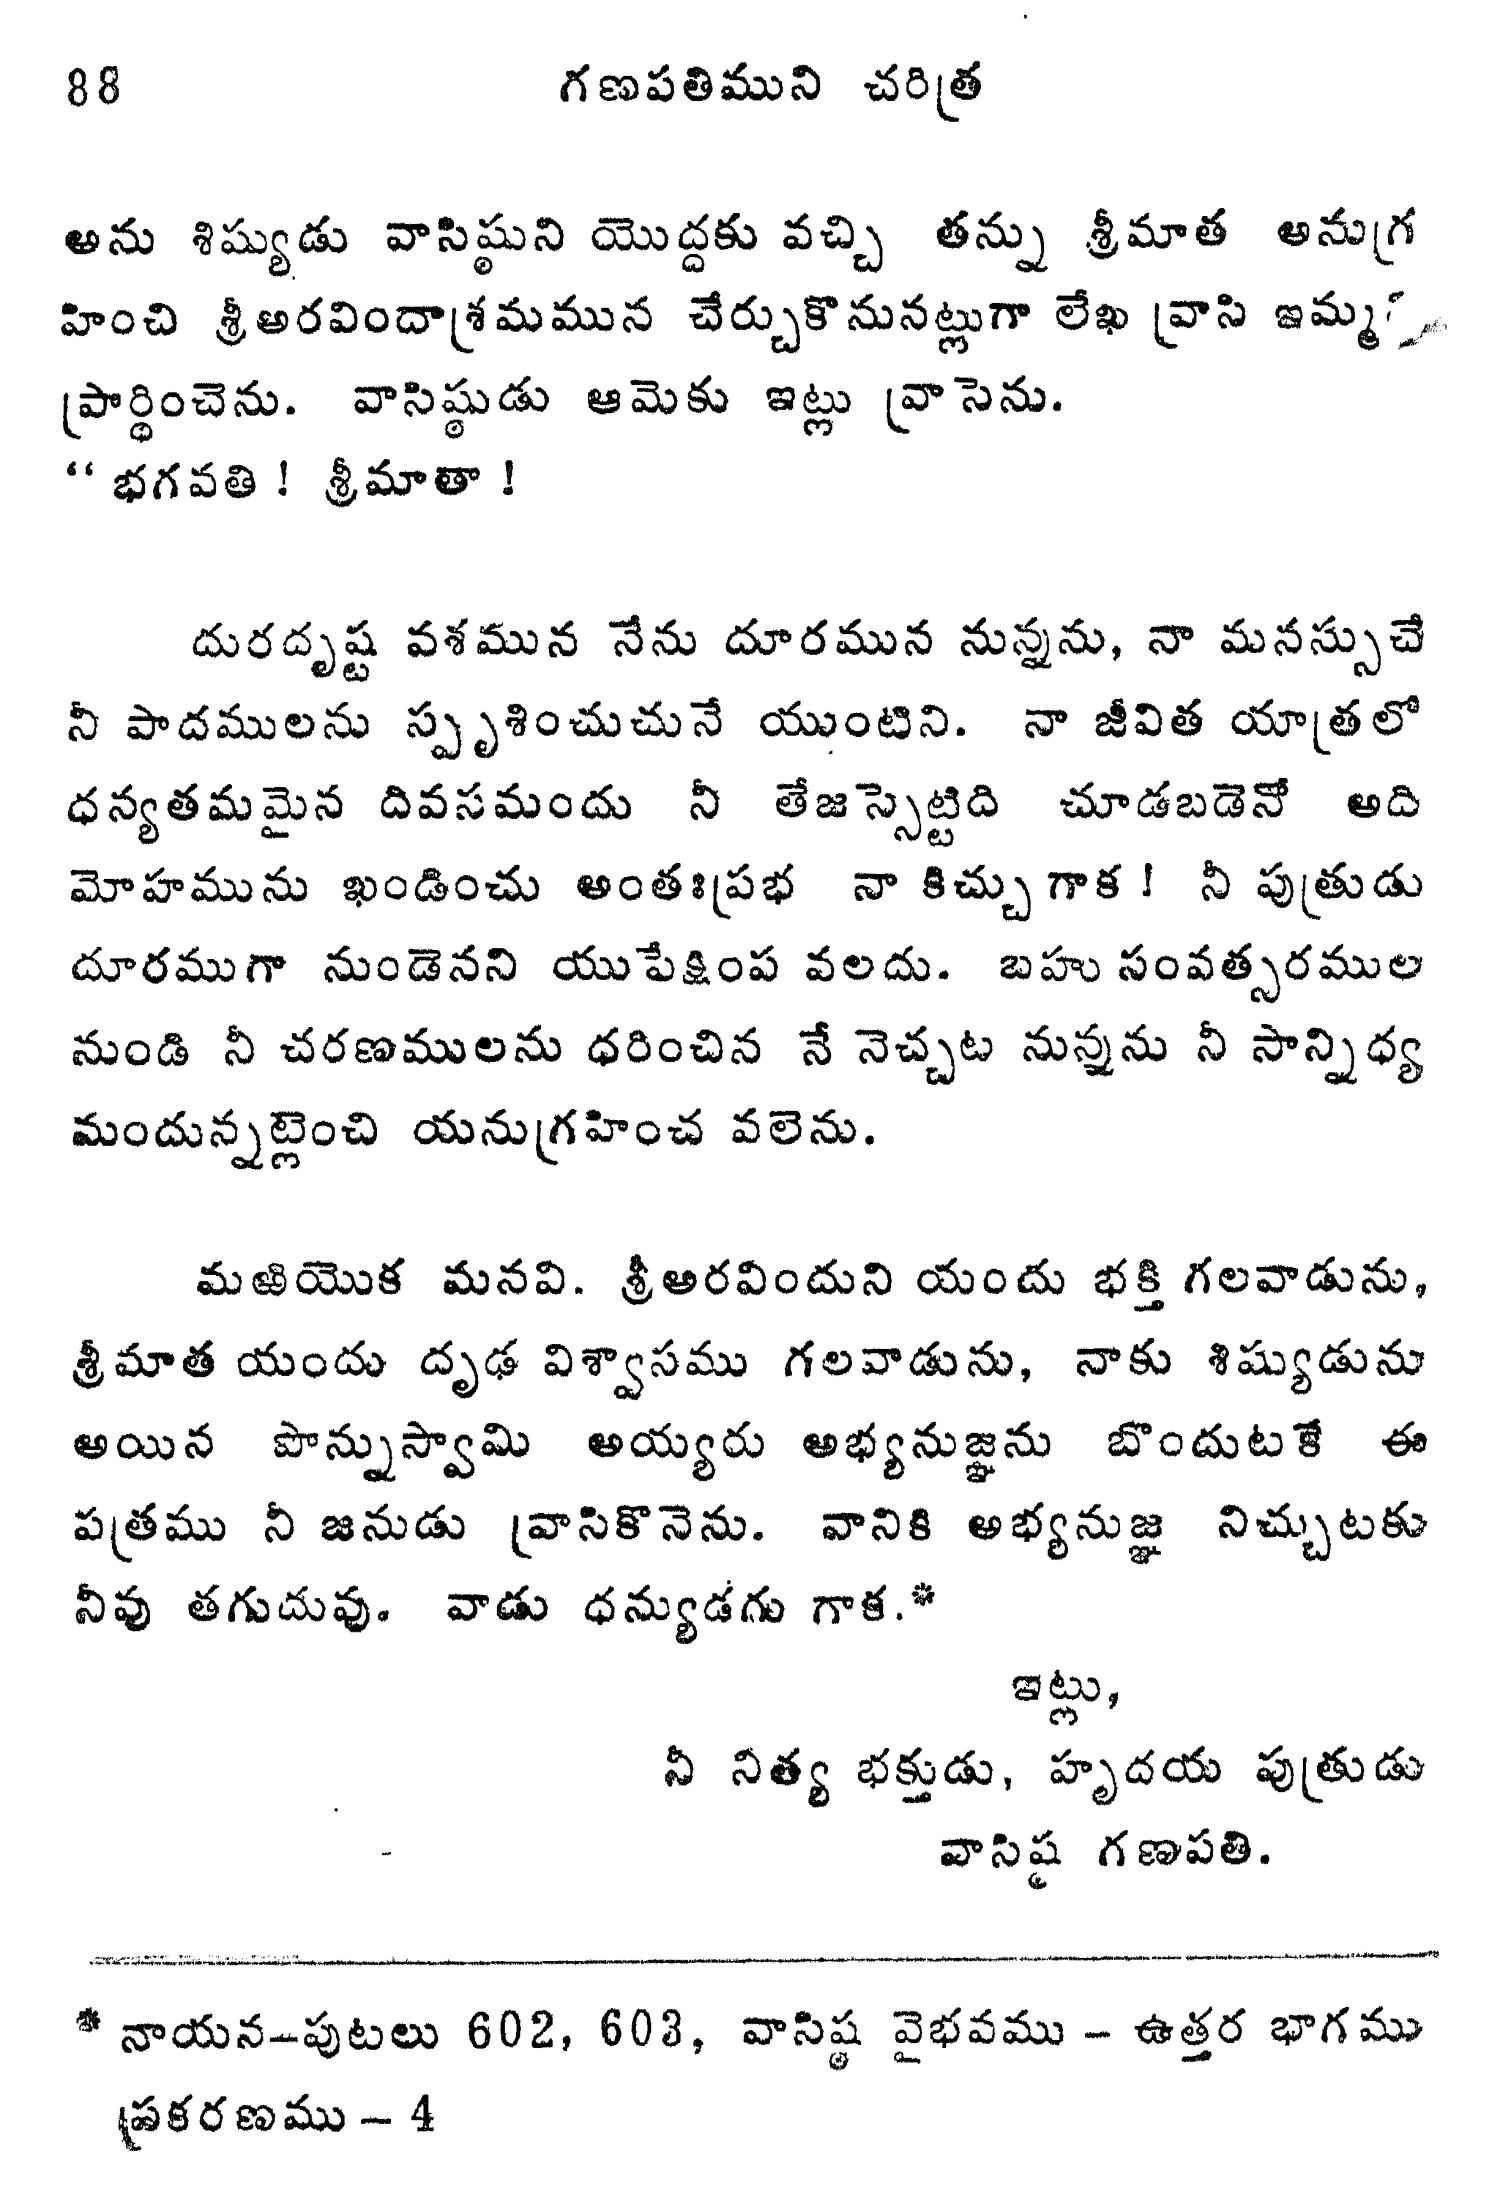అను శిష్యుడు వాసిష్ఠుని యొద్దకువచ్చి తన్ను శ్రీమాత అనుగ్రహించి శ్రీఅరవిందాశ్రమమున చేర్చుకొనునట్లుగా లేఖ వ్రాసి ఇమ్మని ప్రార్థించెను. వాసిష్ఠుడు ఆమెకు ఇట్లు వ్రాసెను.

"భగవతీ! శ్రీమాతా!

దురదృష్ట వశమున నేను దూరమున నున్నను, నా మనస్సుచే నీ పాదములను స్పృశించుచునే యుంటిని. నాజీవిత యాత్రలో ధన్యతమమైన దివసమందు నీ తేజస్సెట్టిది చూడబడెనో అది మోహమును ఖండించు అంత:ప్రభ నా కిచ్చుగాక! నీ పుత్రుడు దూరముగా నుండెనని యుపేక్షింప వలదు. బహు సంవత్సరముల నుండి నీ చరణములను ధరించిన నే నెచ్చట నున్నను నీ సాన్నిధ్య మందున్నట్లెంచి యనుగ్రహించ వలెను.

మఱియొక మనవి. శ్రీఅరవిందుని యందు భక్తి గలవాడును, శ్రీమాతయందు దృడ విశ్వాసము గలవాడును, నాకు శిష్యుడును అయిన పొన్నుస్వామి అయ్యరు అభ్యనుజ్ఞను బొందుటచే ఈ పత్రము నీ జనుడు వ్రాసికొనెను. వానికి అభ్యనుజ్ఞ నిచ్చుటకు నీవు తగుదువు. వాడు ధన్యుడగు గాక.